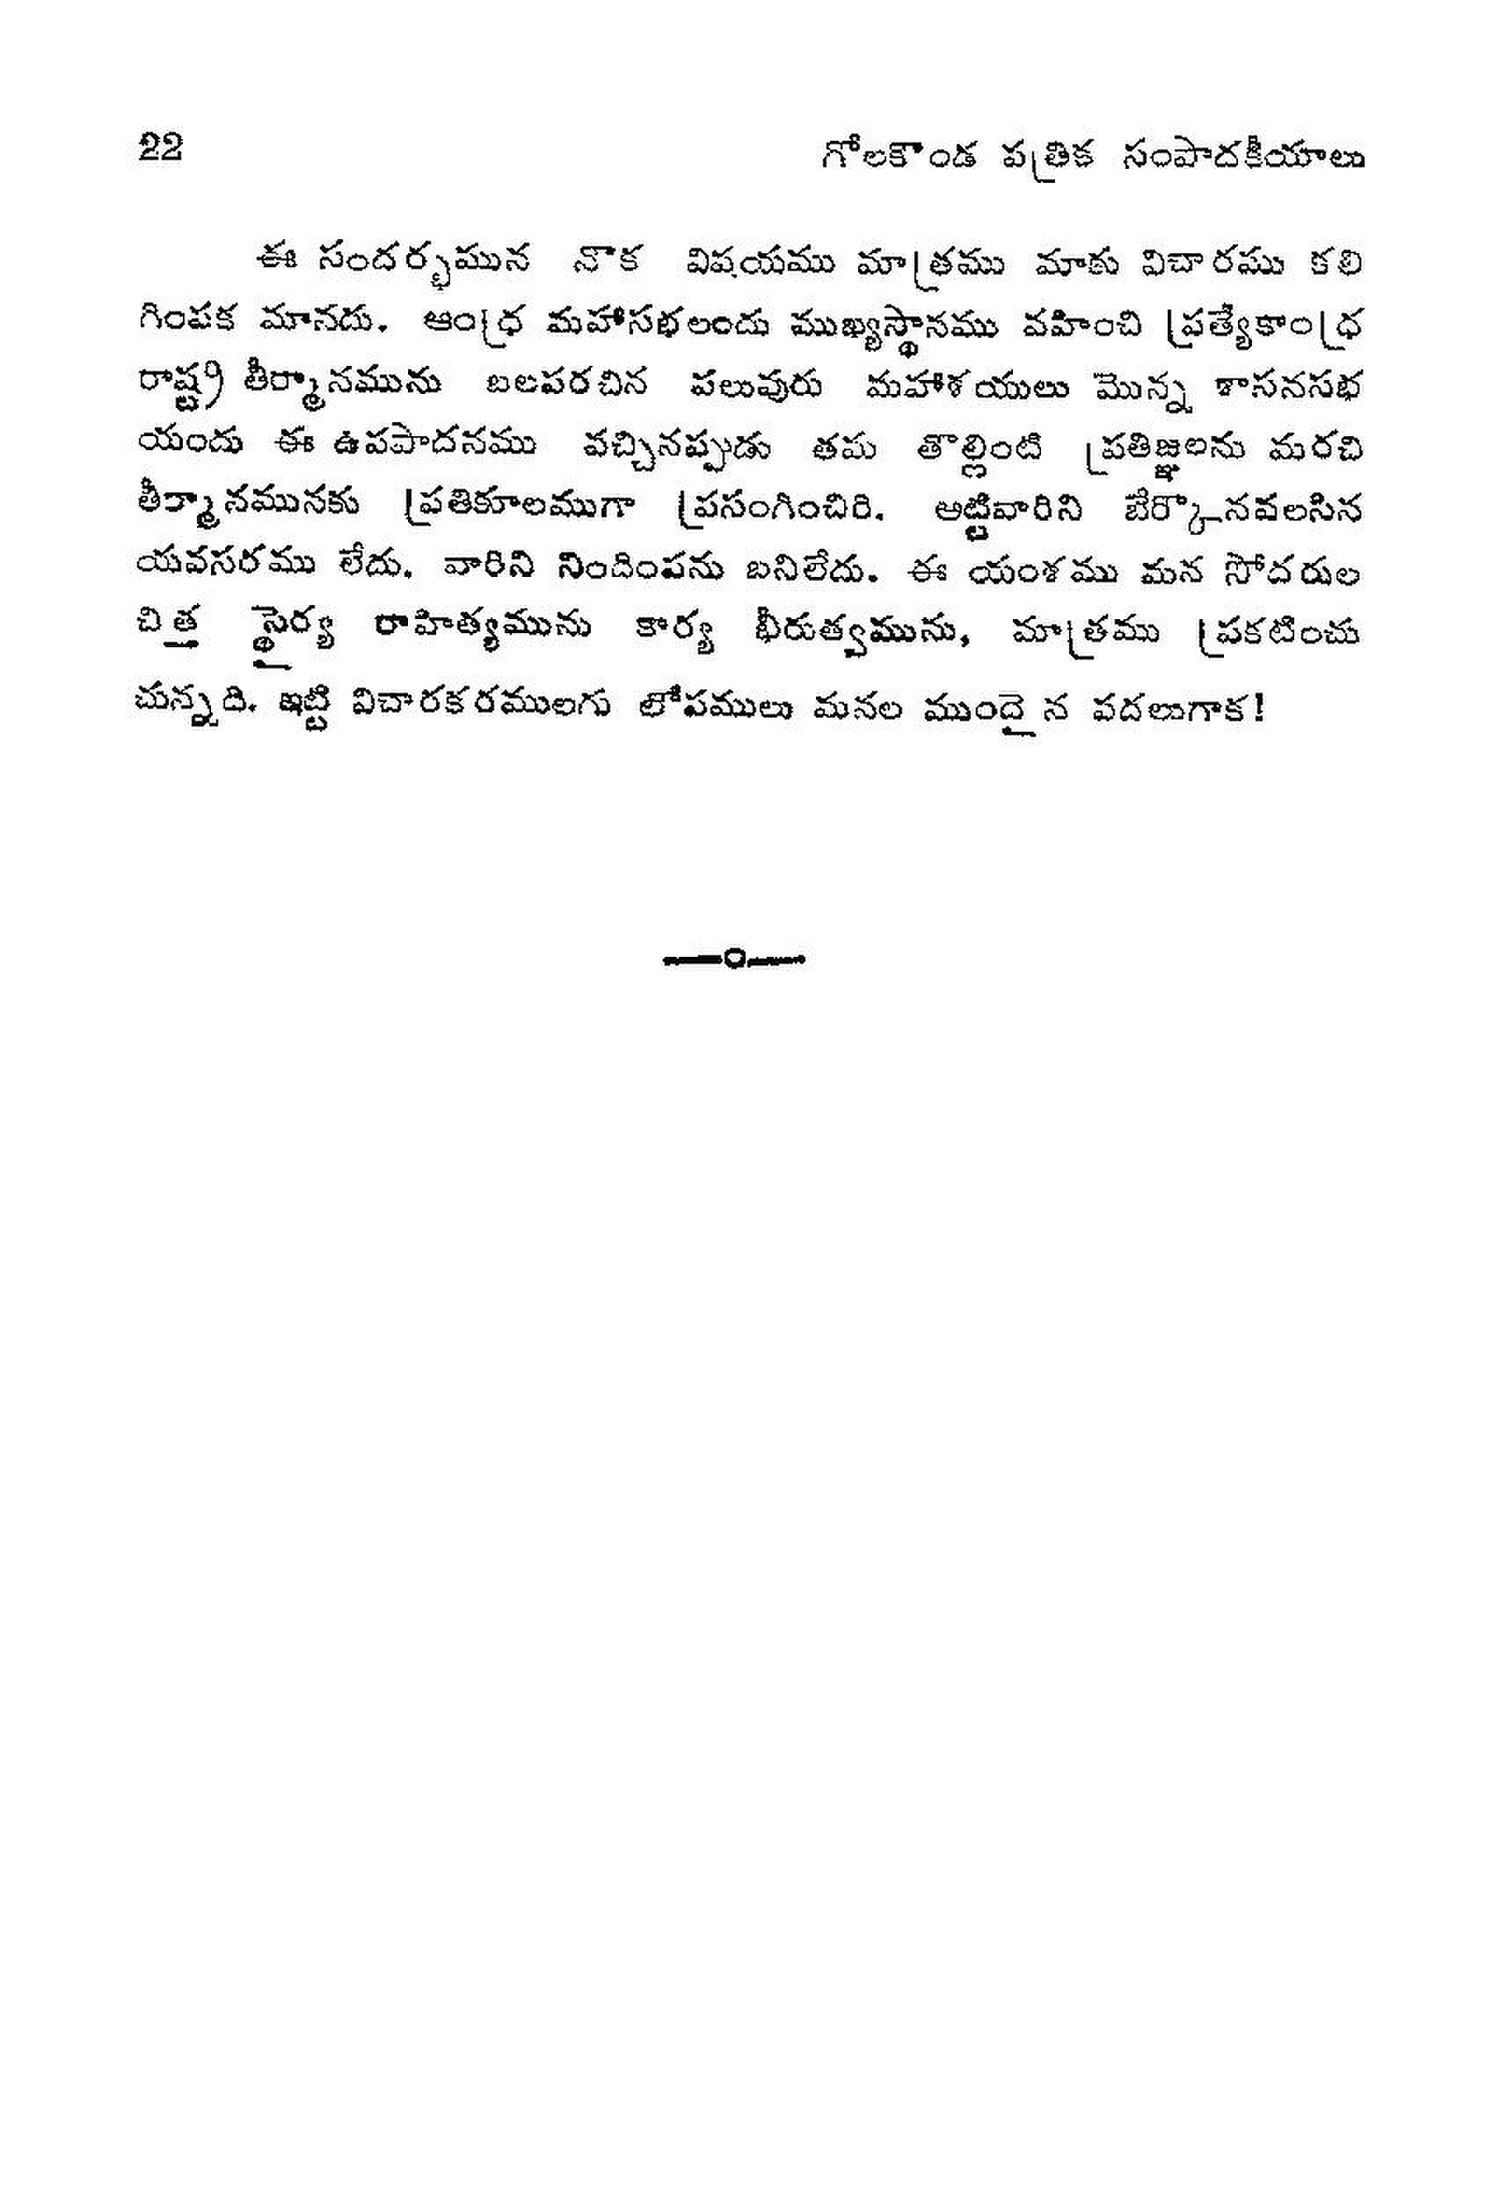ఈ సందర్భమున నొక విషయము మాత్రము మాకు విచారము కలిగింపక మానదు. ఆంధ్ర మహాసభలందు ముఖ్యస్థానము వహించి ప్రత్యేకాంధ్రరాష్ట్ర తీర్మానమును బలపరచిన పలువురు మహాశయులు మొన్న శాసనసభ
యందు ఈ ఉపపాదనము వచ్చినప్పుడు తమ తొల్లింటి ప్రతిజ్ఞలను మరచి తీర్మానమునకు ప్రతికూలముగా ప్రసంగించిరి. అట్టివారిని బేర్కొనవలసిన యవసరము లేదు. వారిని నిందింపను బనిలేదు. ఈ యంశము మన సోదరుల చిత్త స్థైర్య రాహిత్యమును కార్య భీరుత్వమును, మాత్రము ప్రకటించు చున్నది. ఇట్టి విచారకరములగు 
లోపములు మనల ముందైన వదలుగాక!